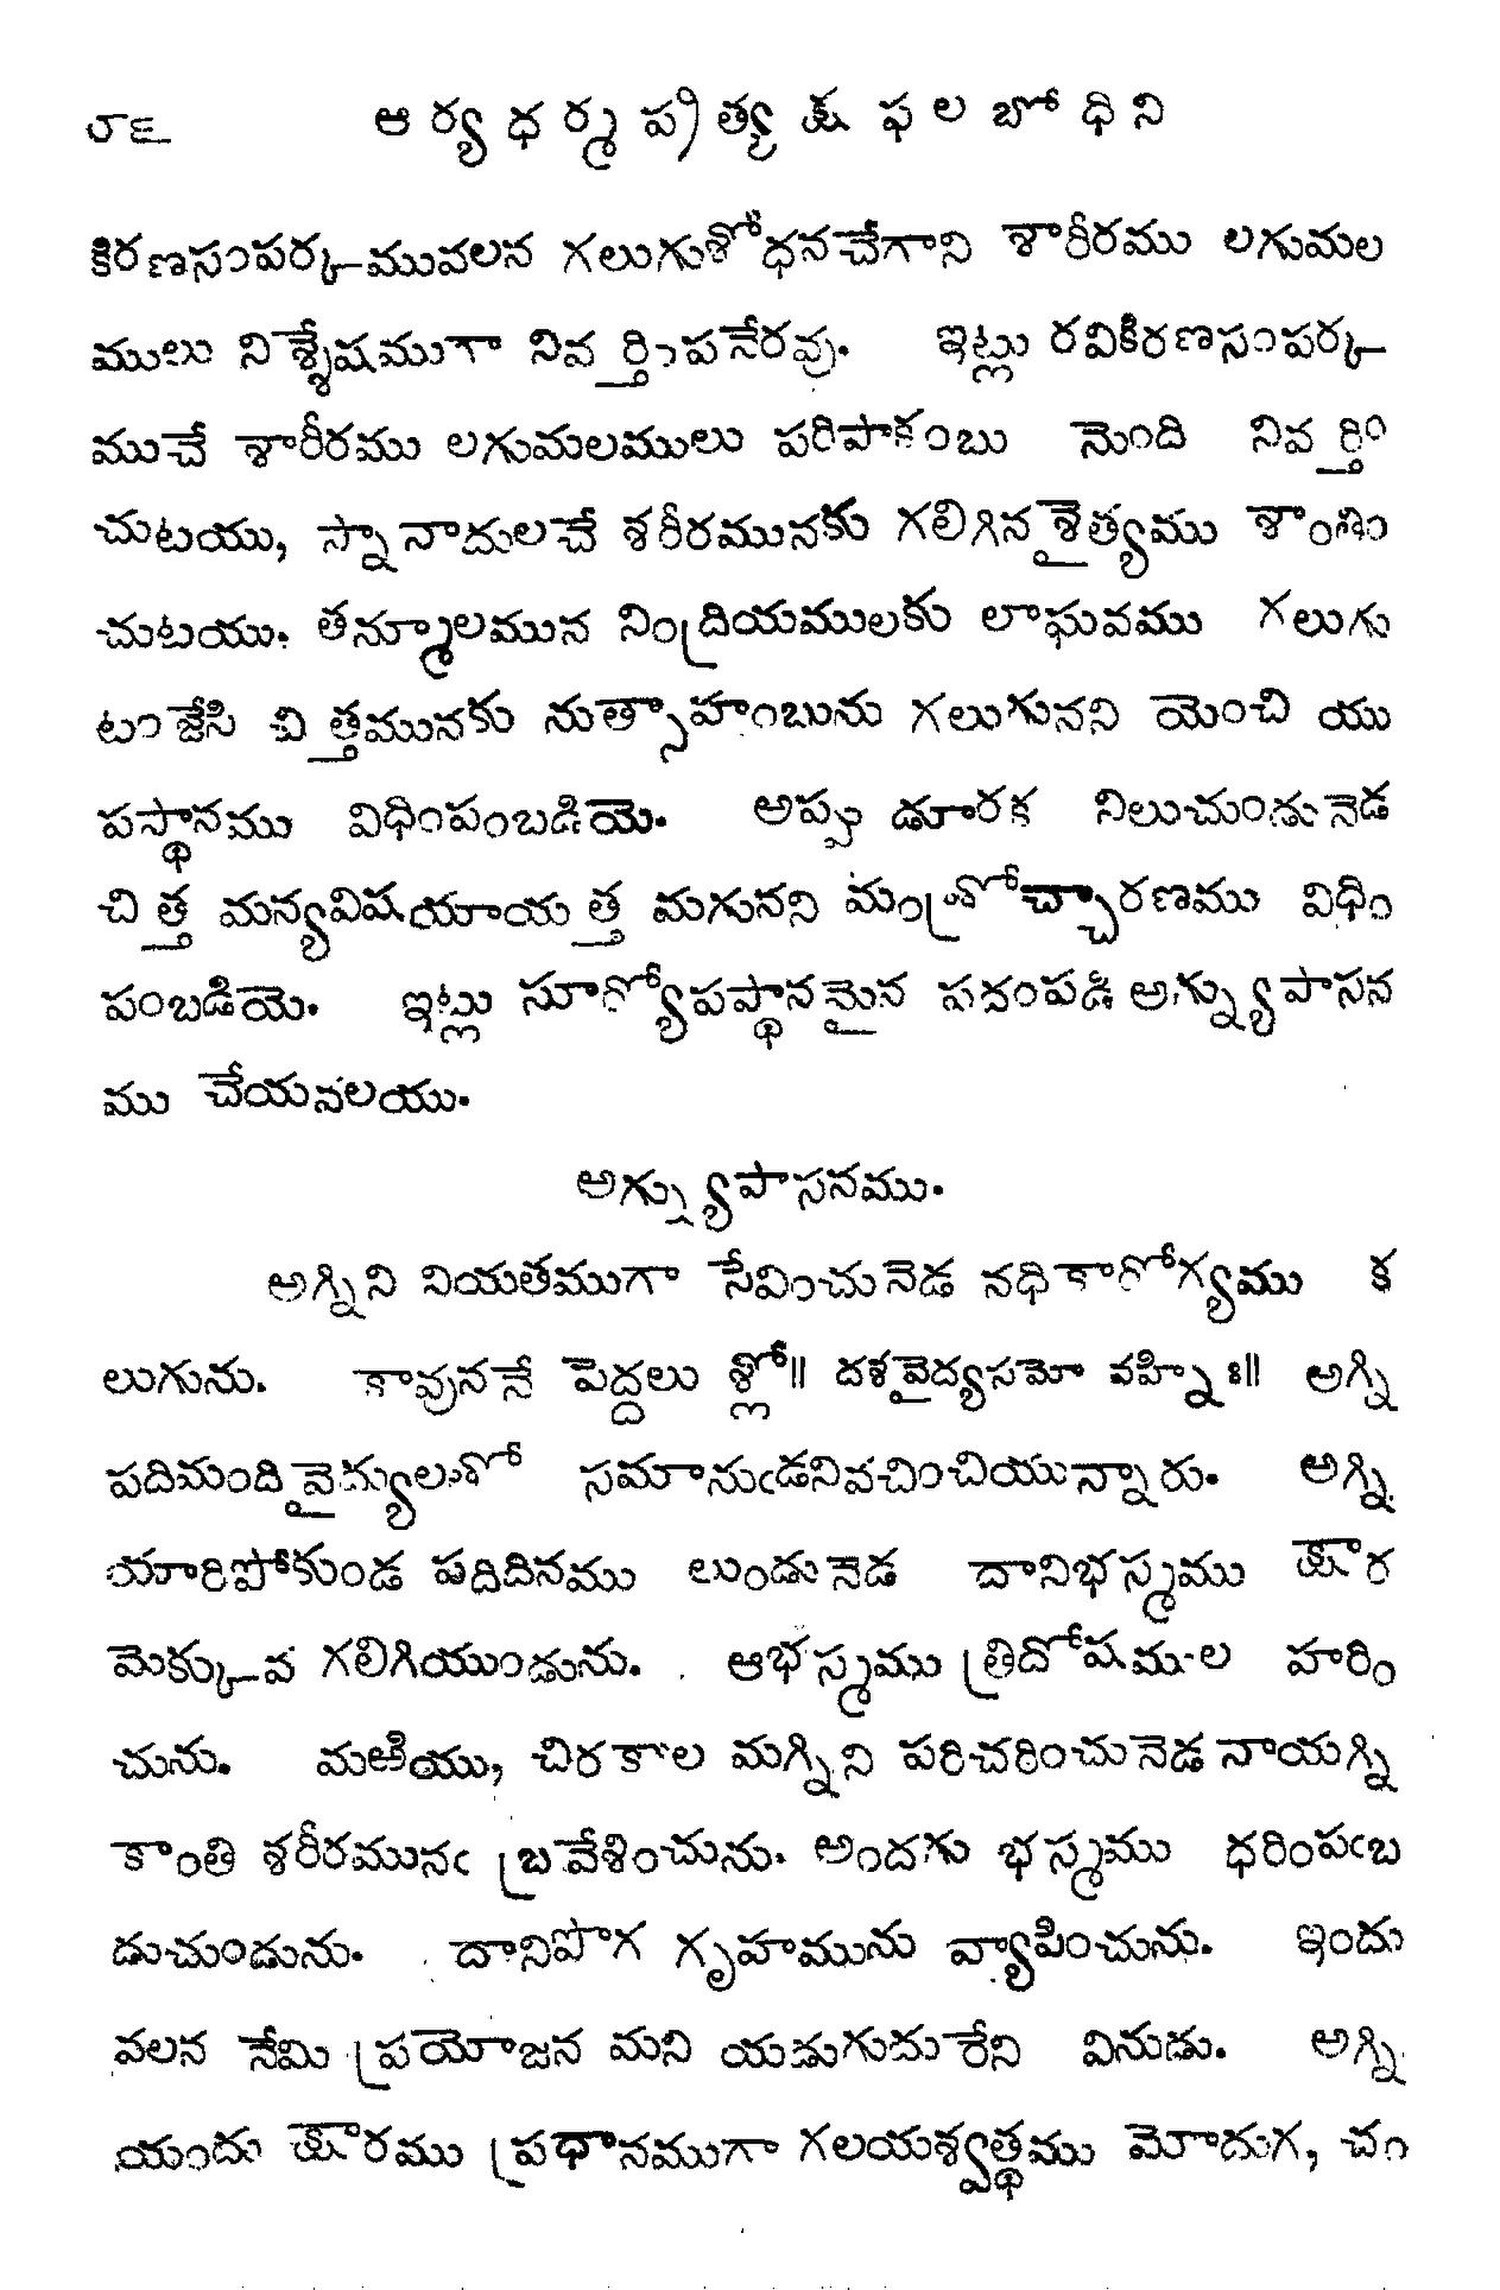కిరణసంపర్కమువలన గలుగుశోధనచేగాని శారీరము లగుమలములు నిశ్శేషముగా నివర్తింపనేరవు. ఇట్లు రవికిరణసంపర్కముచే శారీరము లగుమలములు పరిపాకంబు నొంది నివర్తించుటయు, స్నానాదులచే శరీరమునకు గలిగినశైత్యము శాంతించుటయు, తన్మూలమున నింద్రియములకు లాఘవము గలుగుటంజేసి చిత్తమునకు నుత్సాహంబును గలుగునని యెంచి యుపస్థానము విధింపబడియె. అప్పు డూరక నిలుచుండునెడ చిత్త మన్యవిషయాయత్త మగునని మంత్రోచ్చారణము విధింపంబడియె. ఇట్లు సూర్యోపస్థానమైన పదంపడి అగ్న్యుపాసనము చేయవలయు.

అగ్నిని నియతముగా సేవించునెడ నధికారోగ్యము కలుగును. కావుననే పెద్దలు శ్లో॥ దశవైద్యసమో వహ్నిః॥ అగ్ని
పదిమందివైద్యులతో సమానుఁడనివచించియున్నారు. అగ్ని యారిపోకుండ పదిదినము లుండునెడ దానిభస్మము క్షార మెక్కువ గలిగియుండును. ఆభస్మము త్రిదోషముల హరించును. మఱియు, చిరకాల మగ్నిని పరిచరించునెడ నాయగ్నికాంతి శరీరమునఁ బ్రవేశించును. అందగు భస్మము ధరింపఁబడుచుండును. దానిపొగ గృహమును వ్యాపించును. ఇందువలన నేమి ప్రయోజన మని యడుగుదురేని వినుడు. అగ్ని యందు క్షారము ప్రధానముగా గలయశ్వత్థము మోదుగ, చం